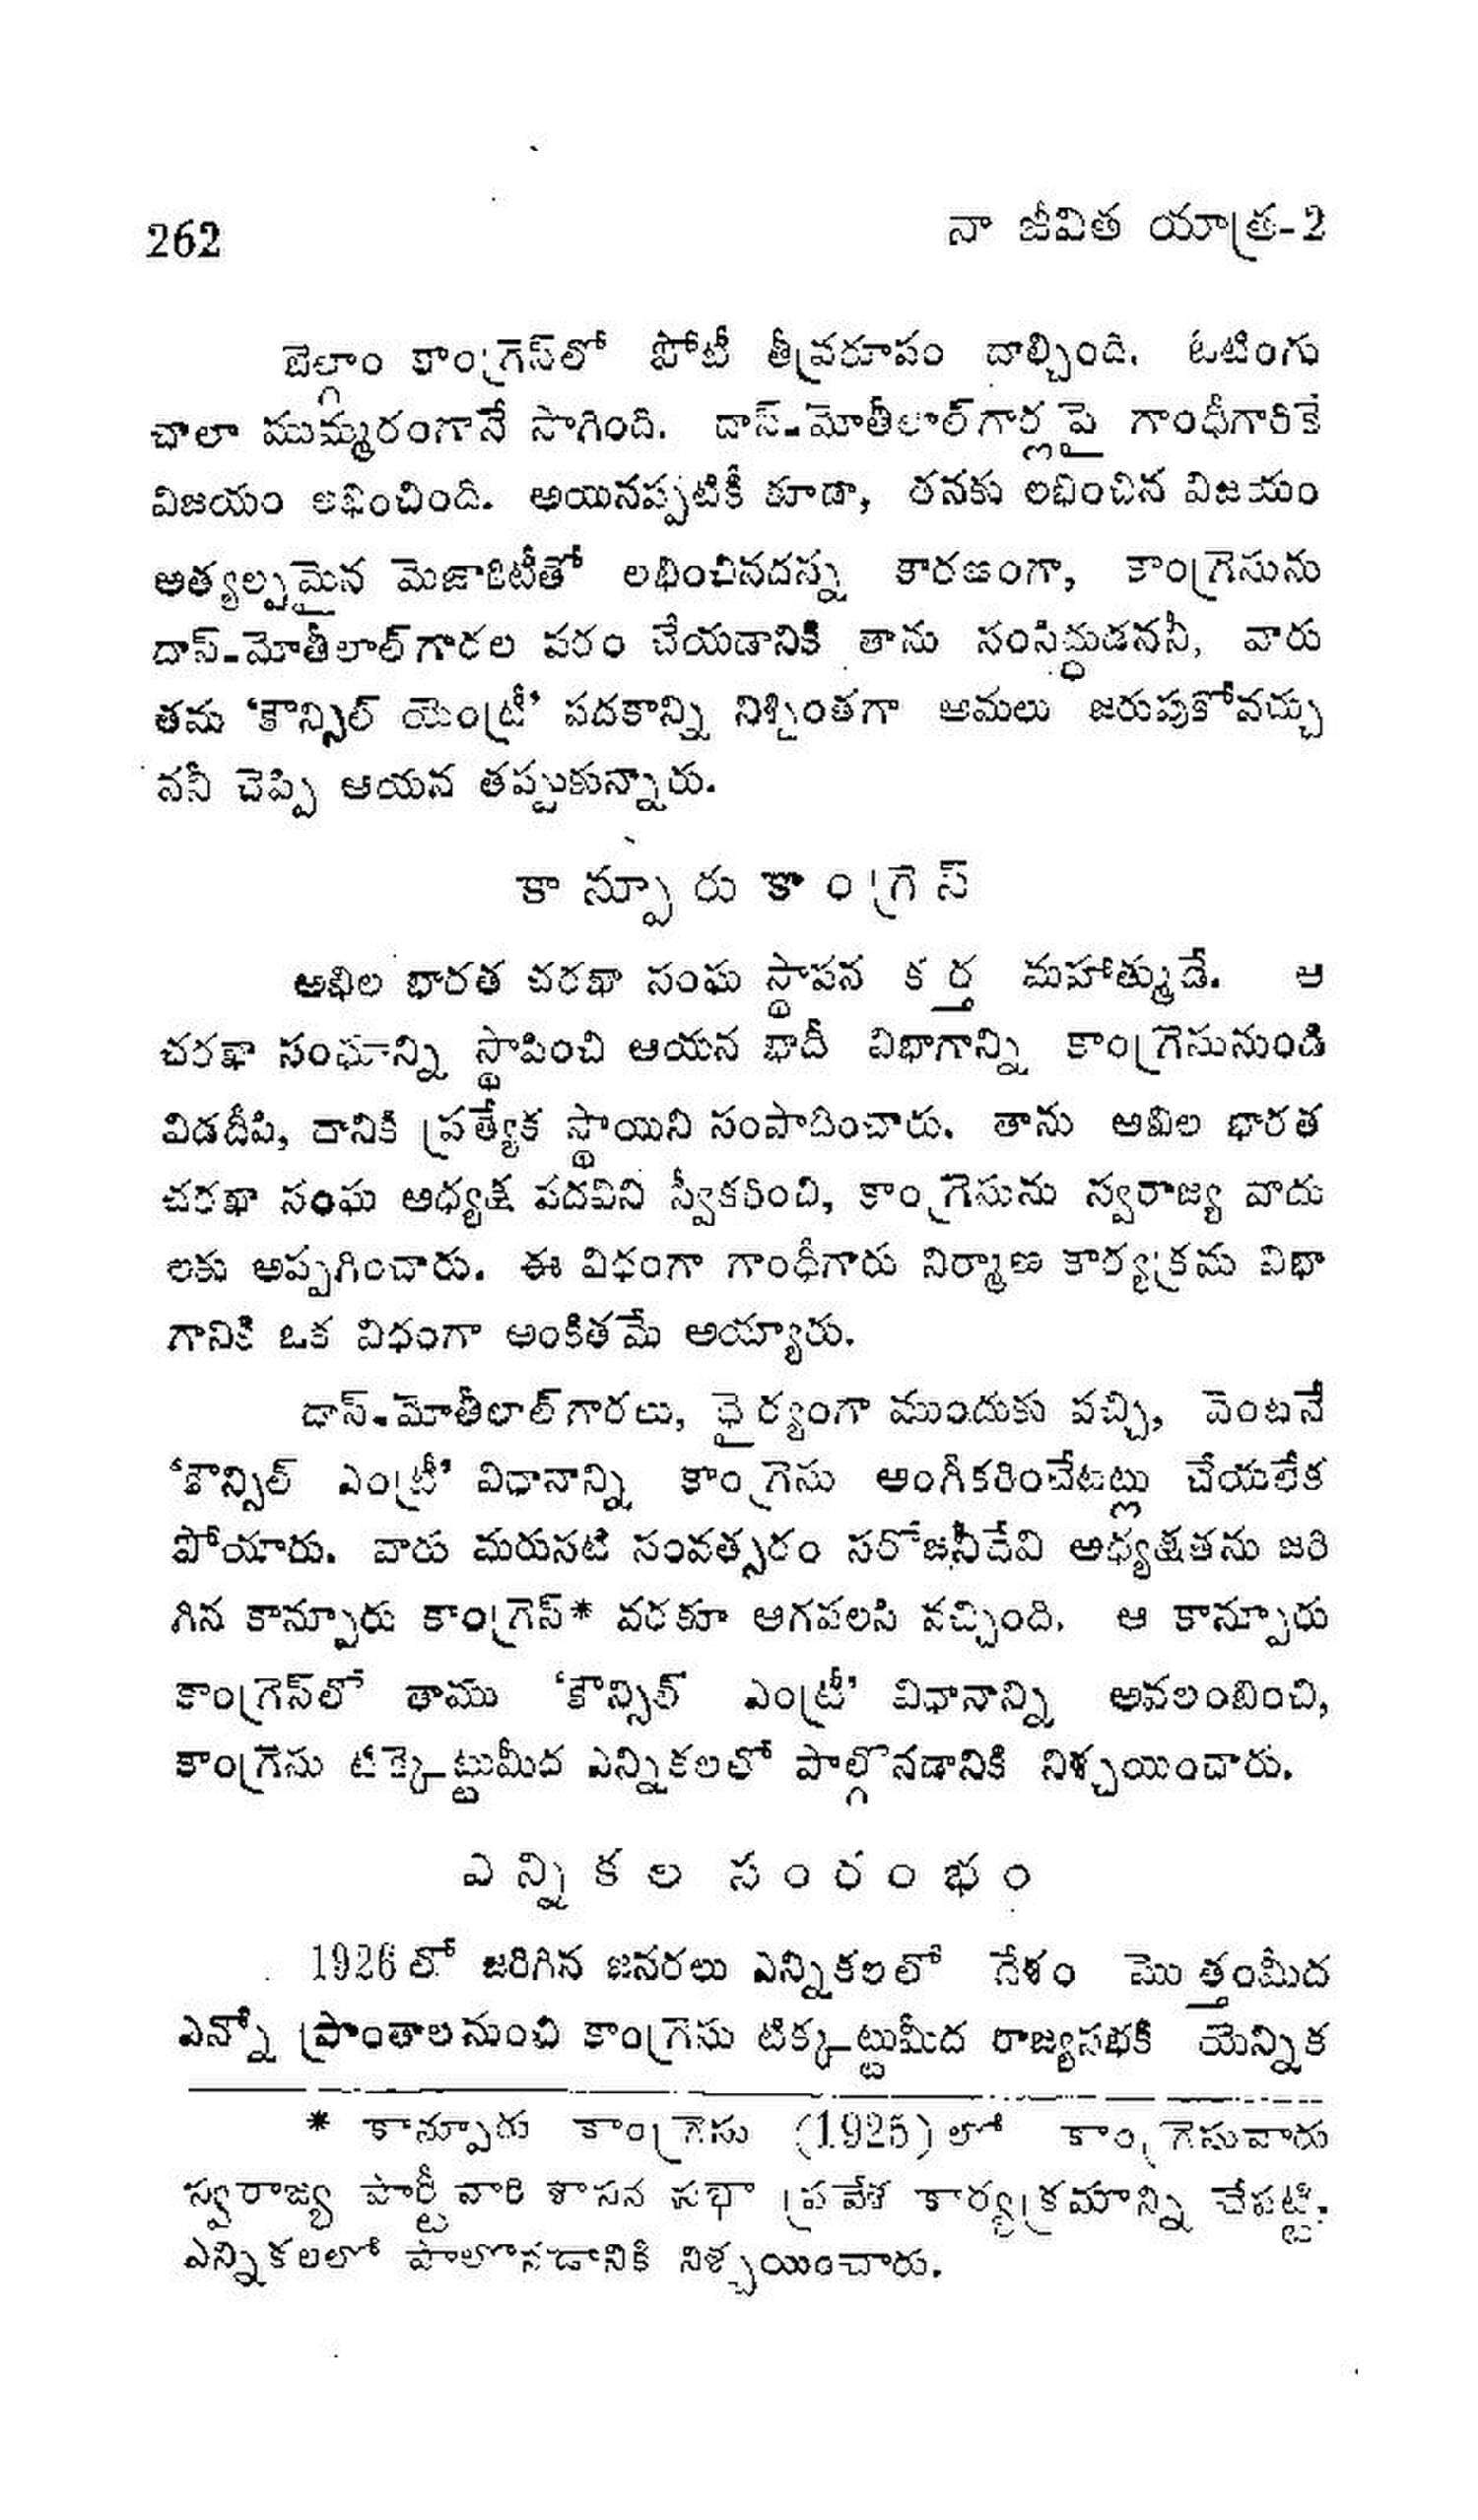బెల్గాం కాంగ్రెస్‌లో పోటీ తీవ్రరూపం దాల్చింది. ఓటింగు చాలా ముమ్మరంగానే సాగింది. దాస్-మోతిలాల్‌ గార్లపై గాంధీగారికే విజయం లభించింది. అయినప్పటికీ కూడా, తనకు లభించిన విజయం అత్యల్పమైన మెజారిటీతో లభించినదన్న కారణంగా, కాంగ్రెసును దాస్-మోతిలాల్ గారల పరం చేయడానికి తాను సంసిద్ధుడననీ, వారు తమ "కౌన్సిల్ యెంట్రీ" పదకాన్ని నిశ్చింతగా అమలు జరుపుకోవచ్చుననీ చెప్పి ఆయన తప్పుకున్నారు.

అఖిల భారత చరఖా సంఘ స్థాపన కర్త మహాత్ముడే. ఆ చరఖా సంఘాన్ని స్థాపించి ఆయన ఖాదీ విభాగాన్ని కాంగ్రెసునుండి విడదీసి, దానికి ప్రత్యేక స్థాయిని సంపాదించారు. తాను అఖిల భారత చరఖా సంఘ అధ్యక్ష పదవిని స్వీకరించి, కాంగ్రెసును స్వరాజ్య వాదులకు అప్పగించారు. ఈ విధంగా గాంధీగారు నిర్మాణ కార్యక్రమం విభాగానికి ఒక విధంగా అంకితమే అయ్యారు.

దాస్-మోతిలాల్‌గారలు, ధైర్యంగా ముందుకు వచ్చి, వెంటనే "కౌన్సిల్ ఎంట్రీ" విధానాన్ని కాంగ్రెసు అంగీకరించేటట్లు చేయలేకపోయారు. వారు మరుసటి సంవత్సరం సరోజనీదేవి అధ్యక్షతను జరిగిన కాన్పూరు కాంగ్రెస్ వరకూ ఆగవలసి వచ్చింది. ఆ కాన్పూరు కాంగ్రెసులో తాము "కౌన్సిల్ ఎంట్రీ" విధానాన్ని అవలంబించి, కాంగ్రెసు టిక్కెట్టుమీద ఎన్నికలలో పాల్గొనడానికి నిశ్చయించారు.

1926 లో జరిగిన జనరలు ఎన్నికలలో దేశం మొత్తంమీద ఎన్నో ప్రాంతాలనుంచి కాంగ్రెసు టిక్కట్టుమీద రాజ్యసభకి యెన్నిక